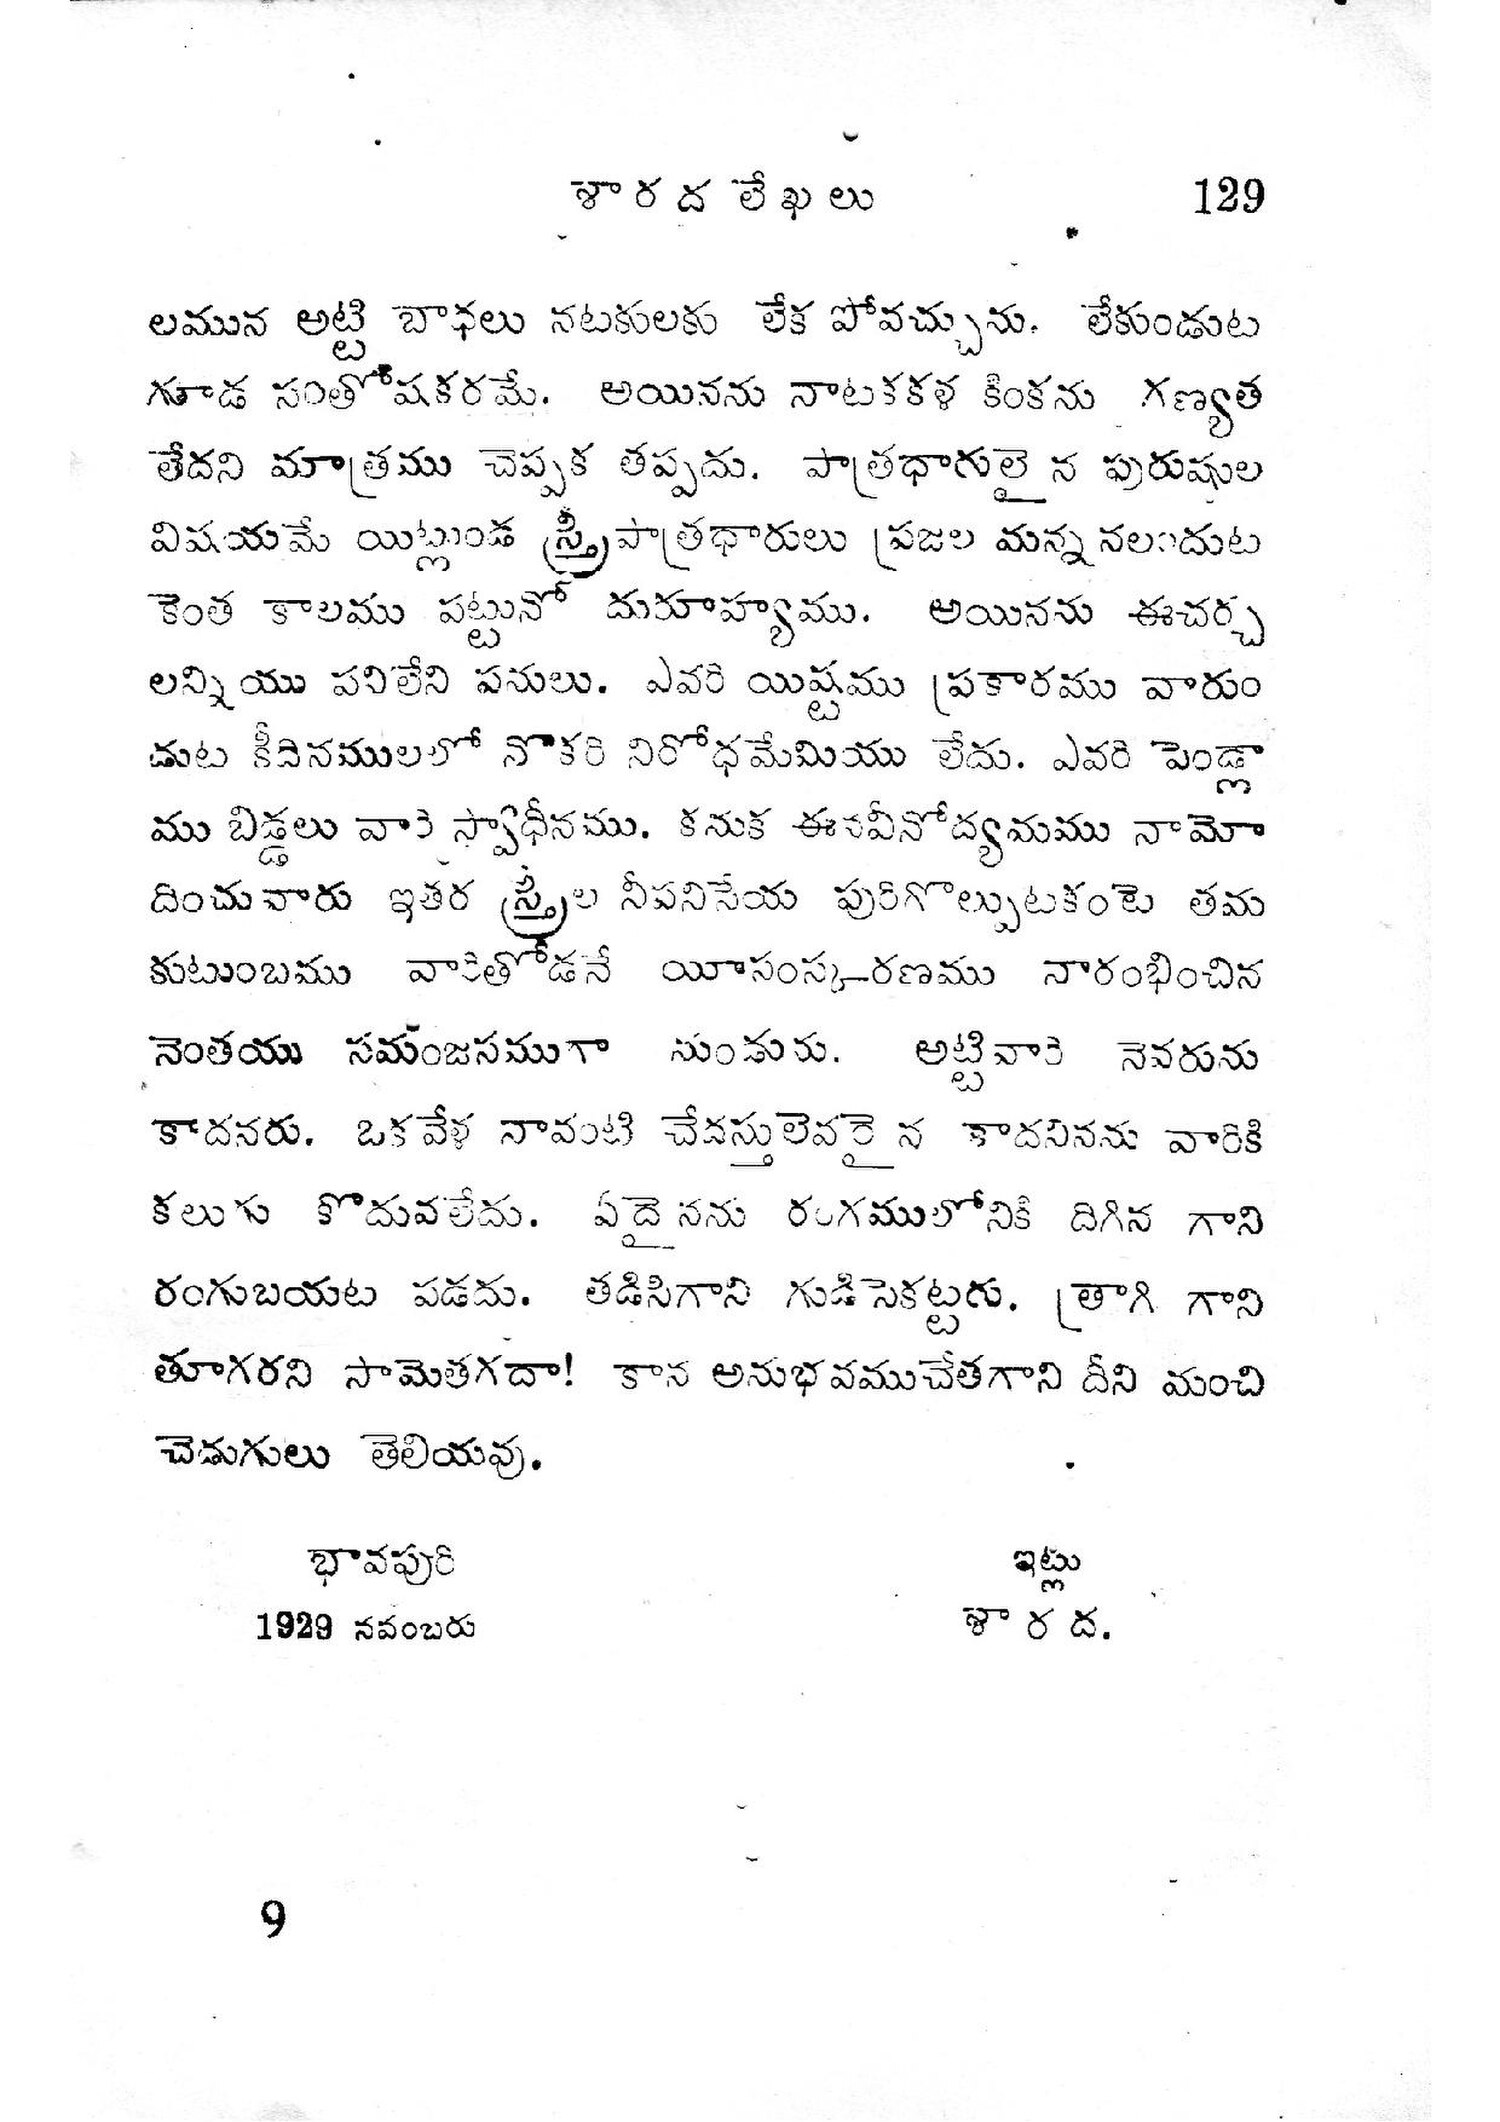లమున అట్టి బాధలు నటకులకు లేక పోవచ్చును. లేకుండుట గూడ సంతోషకరమే. అయినను నాటకకళ కింకను గణ్యత లేదని మాత్రము చెప్పక తప్పదు. పాత్రధారులైన పురుషుల విషయమే యిట్లుండ స్త్రీపాత్రధారులు ప్రజల మన్ననలందుట కెంత కాలము పట్టునో దురూహ్యము. అయినను ఈచర్చలన్నియు పనిలేని పనులు. ఎవరి యిష్టము ప్రకారము వారుండుట కీదినములలో నొకరి నిరోధమేమియు లేదు. ఎవరి పెండ్లాము బిడ్డలు వారి స్వాధీనము. కనుక ఈనవీనోద్యమము నామోదించువారు ఇతర స్త్రీల నీపనిసేయ పురిగొల్పుటకంటె తమకుటుంబము వారితోడనే యీసంస్కరణము నారంభించిన నెంతయు సమంజసముగా నుండును. అట్టివారి నెవరును కాదనరు. ఒకవేళ నావంటి చేదస్తులెవరైన కాదనినను వారికి కలుగు కొదువలేదు. ఏదైనను రంగములోనికి దిగిన గాని రంగుబయట పడదు. తడిసిగాని గుడిసెకట్టరు. త్రాగి గాని తూగరని సామెతగదా! కాన అనుభవముచేతగాని దీని మంచి చెడుగులు తెలియవు.